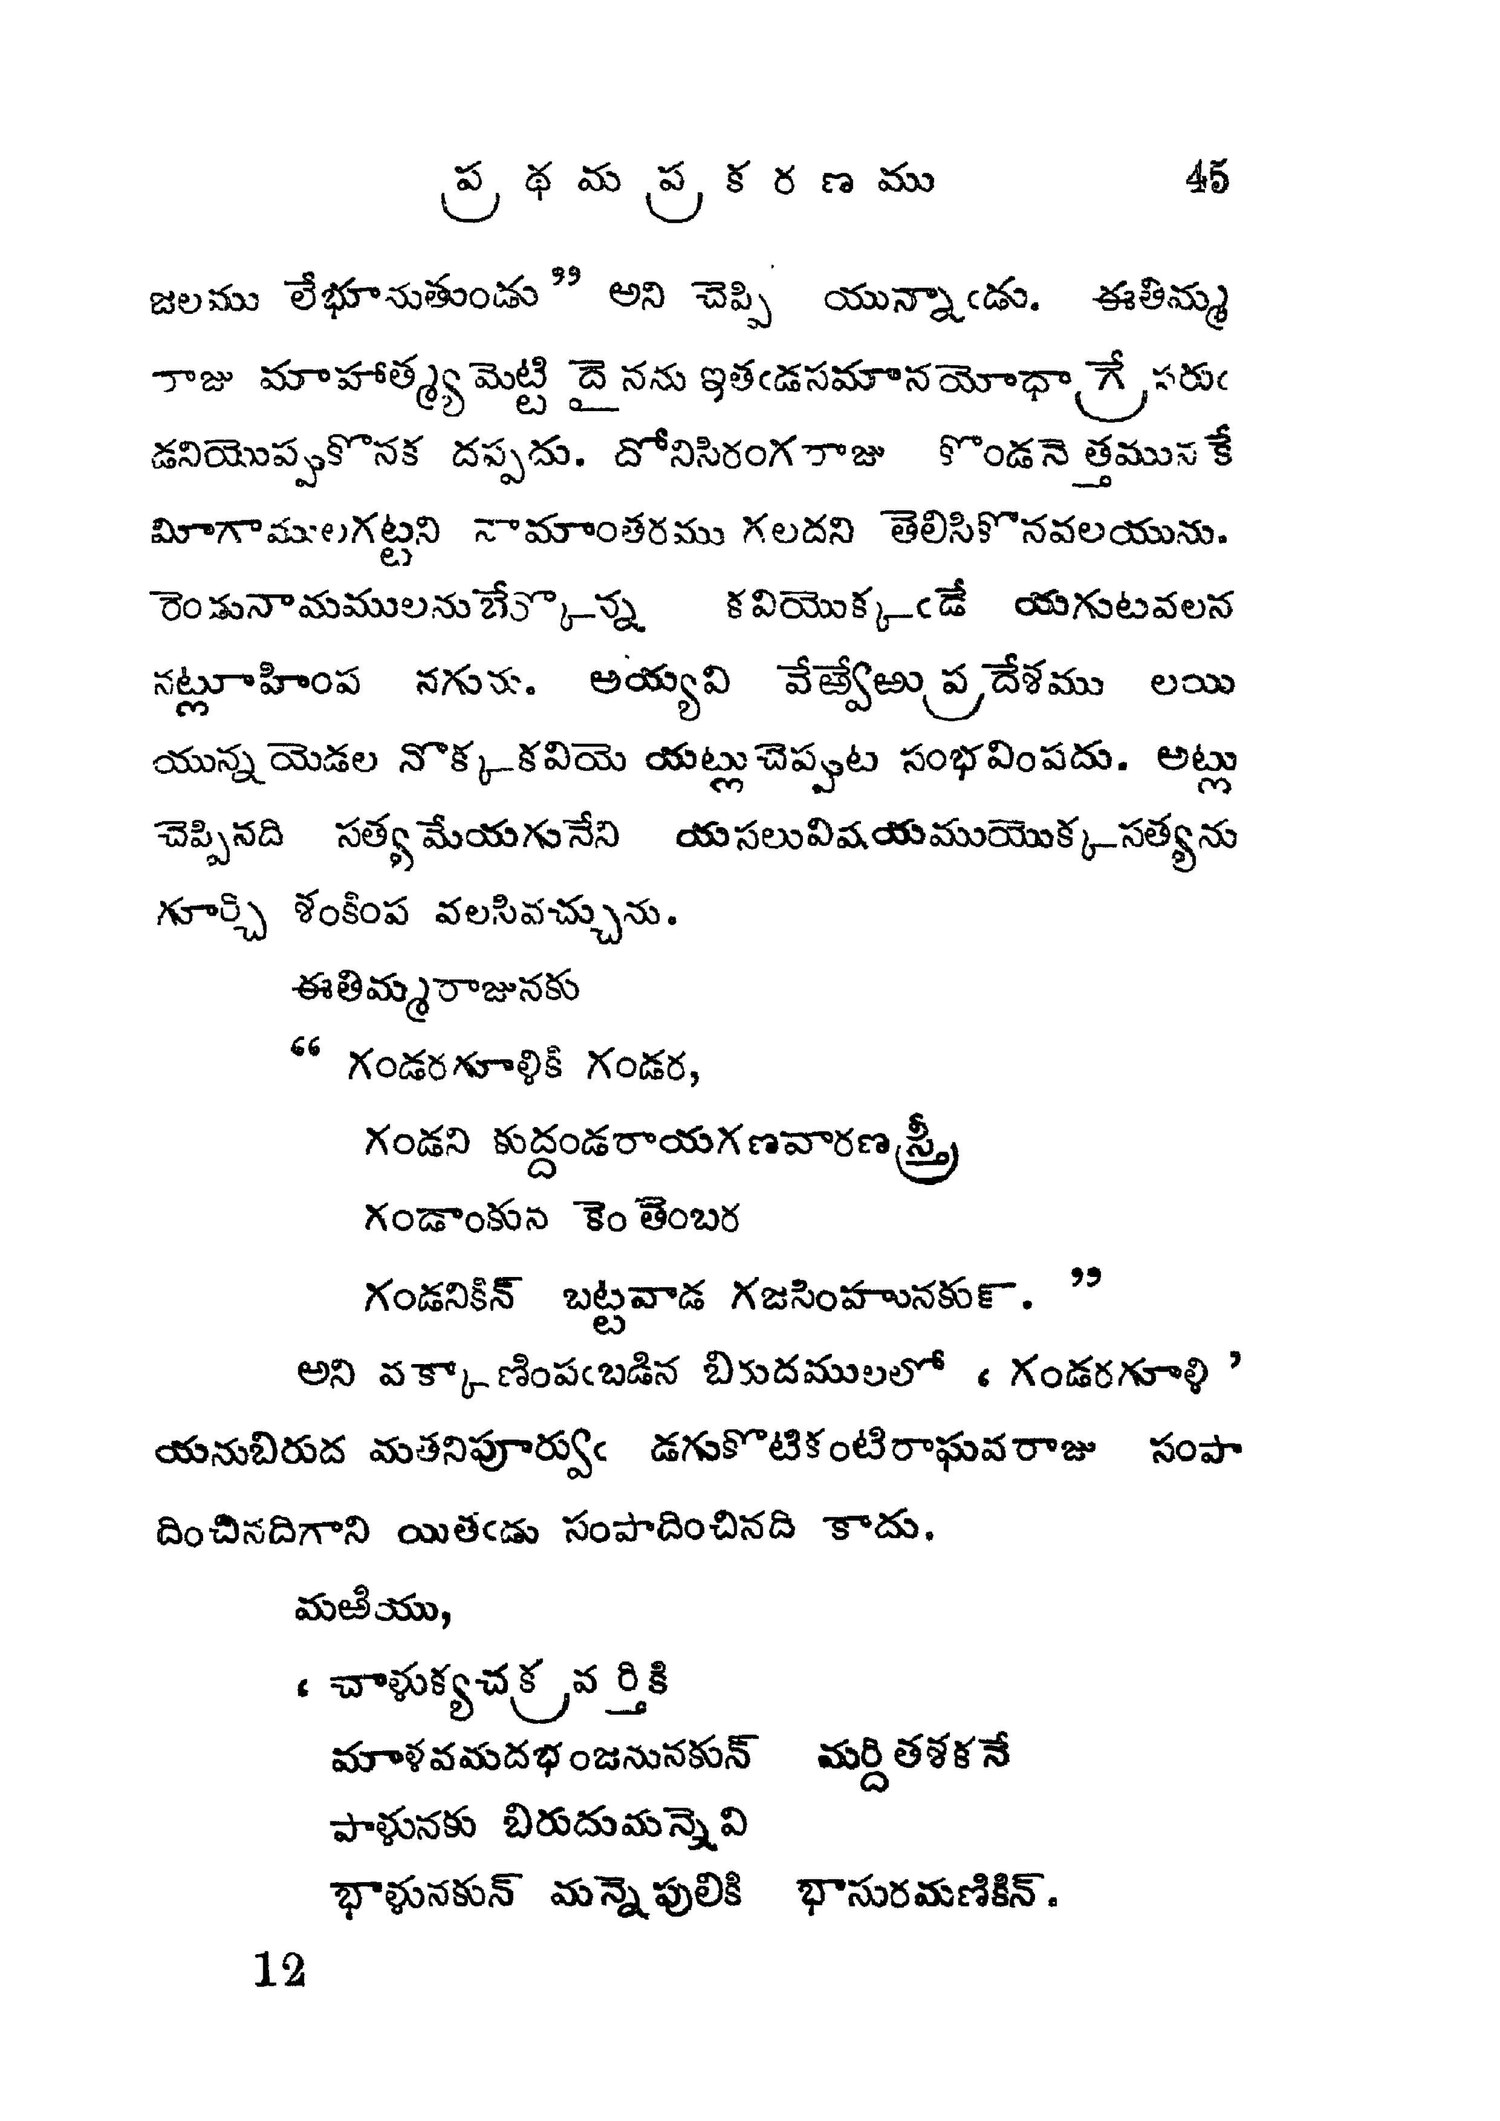జలము లేభూసుతుండు" అని చెప్పి యున్నాడు. ఈతిమ్మరాజు మాహాత్మ్యమెట్టి దైనను ఇతడసమానయోధాగ్రేసరు డనియొప్పుకొనక దప్పదు. దోనిసిరంగరాకు కొండనెత్తమునకే మీగాములగట్టని నామాంతరము గలదని తెలిసికొనవలయును. రెండునామములనుబేర్కొన్న కవియొక్కడే యగుటవలన నట్లూహింప నగును. అయ్యవి వేఱ్వేఱుప్రదేశము లయి యున్నయెడల నొక్కకవియె యట్లుచెప్పుట సంభవింపదు. అట్లు చెప్పినది సత్యమేయగునేని యసలు విషయముయొక్కసత్యను గూర్చి శంకింప వలసివచ్చును.

ఈతిమ్మరాజునకు

 " గండరగూళికి గండర,
 గండని కుద్దండరాయగణవారణస్త్రీ
 గండాంకున కెంతెంబర
 గండనికిన్ బట్టవాడ గజసింహునకున్."

అని వక్కాణింపబడిన బిరుదములలో 'గండరగూళి' యనుబిరుద మతనిపూర్వు డగుకొటికంటి రాఘవరాజు సంపాదించినదిగాని యితడు సంపాదించినది కాదు.

మఱియు,

 'చాళుక్యచక్రవర్తికి
 మాళవమదభంజనునకున్ మర్దితశకనే
 పాళునకు బిరుదుమన్నెవి
 భాళునకున్ మన్నెపులికి భాసురమణికిన్.